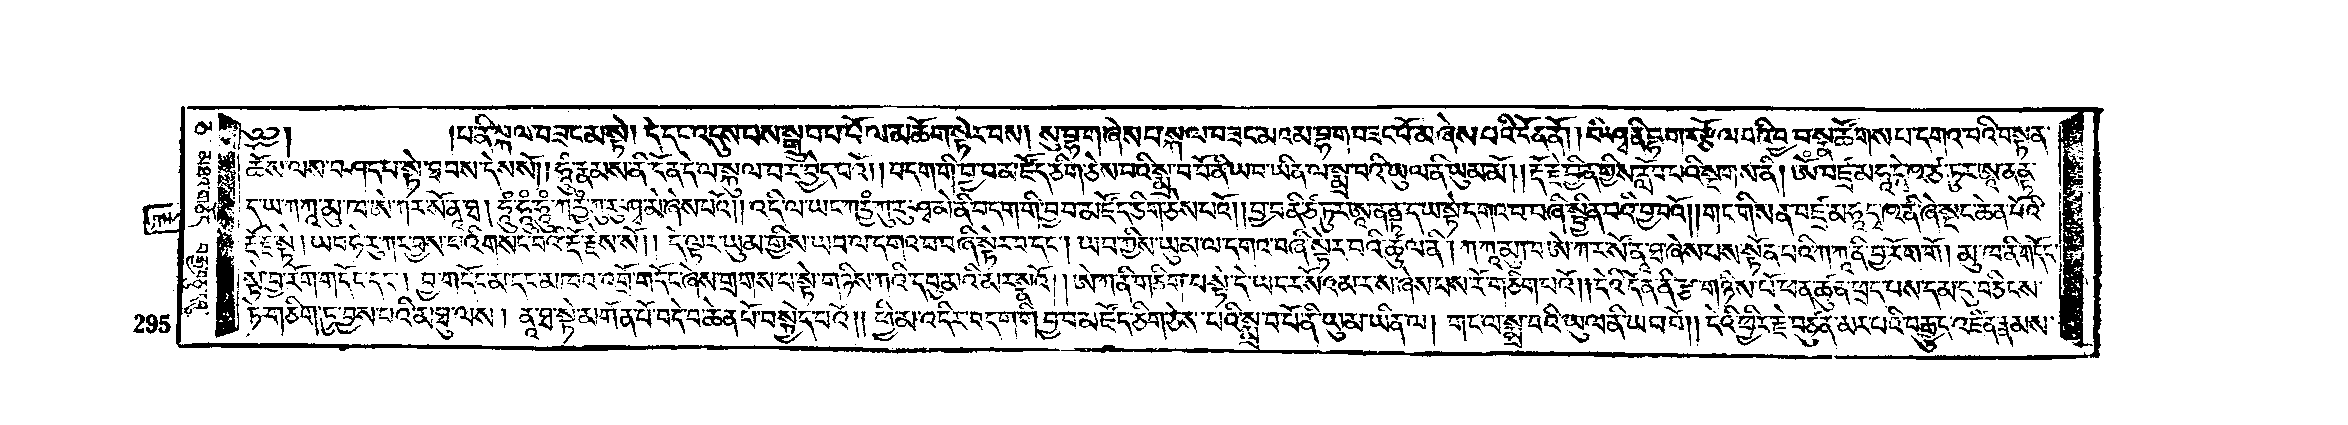༄༅། །པ་ནི་སྐལ་བཟང་མ་སྟེ། དེ་དང་འདུས་པས་སྒྲུབ་པ་པོ་ལ་མཆོག་སྟེར་བས། སུ་བྷ་ག་ཞེས་པ་སྐལ་བཟང་མའམ་བྷ་ག་བཟང་པོ་མ་ཞེས་པའི་དོན་ནོ། །བི་ཤྭ་ནི་བྷ་གར་རྩོལ་བའི་བྱ་བ་སྣ་ཚོགས་པ་དགའ་བའི་བསྟན་
ཆོས་ལས་བཤད་པ་སྟེ་ཐབས་དེས་སོ། །ཧཱུཾ་རྣམས་ནི་དོན་དེ་ལ་སྐུལ་བར་བྱེད་པའོ། །བདག་གི་བྱ་བ་མཛོད་ཅིག་ཅེས་པའི་སྨྲ་བ་པོ་ནི་ཡབ་ཡིན་ལ་སྨྲ་བའི་ཡུལ་ནི་ཡུམ་མོ། །རྡོ་རྗེ་བྱིན་གྱིས་རློབ་པའི་སྔགས་ནི། ཨོཾ་བཛྲ་མཧཱ་དྭེ་ཥ་ཙ་ཏུར་ཨཱ་ནནྟ་
ད་ཡ་ཀ་ཀཱ་མུ་ཁ་ཨེ་ཀ་ར་སོ་ནཱ་ཐ། ཧཱུཾ་ཧཱུཾ་ཧཱུཾ་ཀརཡཾ་ཀུ་རུ་ཤྭ་མེ་ཞེས་པའོ། །འདི་ལ་ཡང་ཀརཡཾ་ཀུ་རུ་ཤྭ་མེ་ནི་བདག་གི་བྱ་བ་མཛོད་ཅིག་ཅེས་པའོ། །བྱ་བ་ནི་ཙ་ཏུར་ཨཱ་ནནྟ་ད་ཡ་སྟེ་དགའ་བ་བཞི་སྦྱིན་པའི་བྱ་བའོ། །གང་གིས་ན་བཛྲ་མཧཱ་དྭེ་ཥ་ནི་ཞེ་སྡང་ཆེན་པོའི་
རྡོ་རྗེ་སྟེ། ཡབ་ཧེ་རུ་ཀར་བྱས་པའི་གསང་བའི་རྡོ་རྗེས་སོ། །དེ་ལྟར་ཡུམ་གྱིས་ཡབ་ལ་དགའ་བ་བཞི་སྟེར་བ་དང་། ཡབ་ཀྱིས་ཡུམ་ལ་དགའ་བཞི་སྟེར་བའི་ཚུལ་ནི། ཀ་ཀཱ་མུ་ཁ་ཨེ་ཀ་ར་སོ་ནཱ་ཐ་ཞེས་པས་སྟོན་པའི་ཀ་ཀཱ་ནི་བྱ་རོག་གོ །མུ་ཁ་ནི་གདོང་
སྟེ་བྱ་རོག་གདོང་དང་། བྱ་གདོང་མ་དང་མཁའ་འགྲོ་གདོང་ཞེས་གྲགས་པ་སྟེ་གཉིས་ཀའི་དབུ་མའི་མར་སྣའོ། །ཨེ་ཀ་ནི་གཅིག་པ་སྟེ་དེ་ཡང་ར་སོའམ་ར་ས་ཞེས་པས་རོ་གཅིག་པའོ། །དེའི་དོན་ནི་རྩ་གཉིས་པོ་ཕན་ཚུན་ཕྲད་པས་དམ་དུ་བཅིངས་
ཏེ་གཅིག་ཏུ་བྱས་པའི་མཐུ་ལས། ནཱ་ཐ་སྟེ་མགོན་པོ་བདེ་བ་ཆེན་པོ་བསྐྱེད་པའོ། །ཕྱི་མ་འདིར་བདག་གི་བྱ་བ་མཛོད་ཅིག་ཅེས་པའི་སྨྲ་བ་པོ་ནི་ཡུམ་ཡིན་ལ། གང་ལ་སྨྲ་བའི་ཡུལ་ནི་ཡབ་བོ། །དེའི་ཕྱིར་རྗེ་བཙུན་མར་པའི་བརྒྱུད་འཛིན་རྣམས་